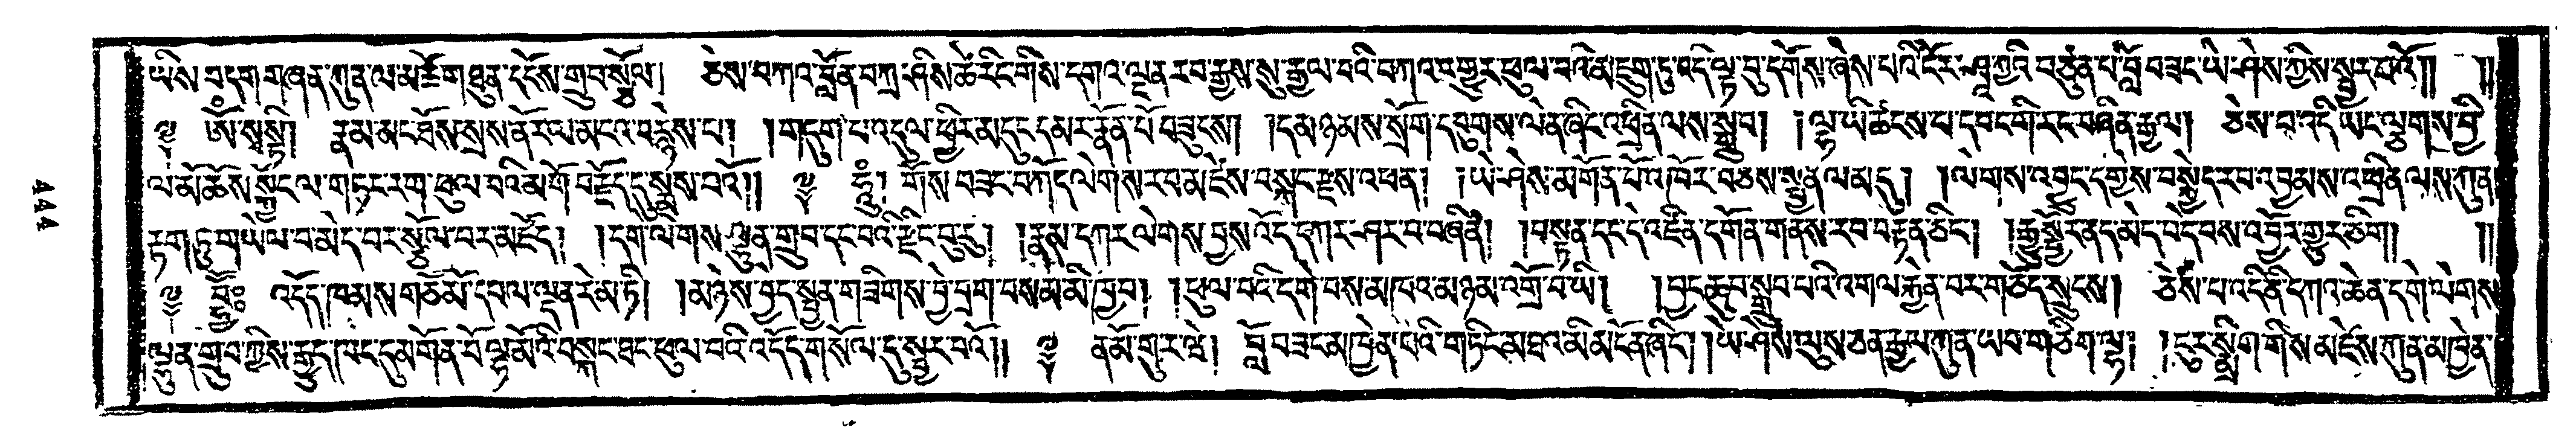ཡིས་བདག་གཞན་ཀུན་ལ་མཆོག་ཐུན་དངོས་གྲུབ་སྩོལ། ཅེས་བཀའ་བློན་བཀྲ་ཤིས་ཚེ་རིང་གིས་དགའ་ལྡན་རབ་རྒྱས་སུ་རྒྱལ་བའི་བཀའ་འགྱུར་ཕུལ་བའི་མཇུག་ཏུ་འདི་ལྟ་བུ་ཞེས་པའི་ངོར་ཤྰྐྱའི་བཙུན་པ་བློ་བཟང་ཡེ་ཤེས་ཀྱིས་སྦྱར་བའོ།། །།
༈ ཨོཾ་སྭྶྟི། རྣམ་མང་ཐོས་སྲས་ནོར་ལ་མངའ་བརྙེས་པ། །གདུང་པ་འདུལ་ཕྱིར་མདུང་དམར་རྣོན་པོ་བཟུངས། །དམ་ཉམས་སྲོག་དབུགས་ལེན་ཞིང་འཕྲིན་ལས་སྒྲུབ། །ལྷ་ཡི་ཚངས་པ་དབང་གི་རང་བཞིན་རྒྱལ། ཅེས་བ་འདི་ཡང་ལྕགས་བྱི་
ལ་མོ་ཆོས་སྐྱོང་ལ་གཏང་རག་ཕུལ་བའི་མགོ་བརྗོད་དུ་སྨྲས་བའོ།། ༈ ཧཱུཾ། གོས་བཟང་བཀོད་ལེགས་རབ་མཛེས་བསྐང་རྫས་འཕན། །ཡེ་ཤེས་མགོན་པོ་འཁོར་བཅས་བཅས་སྤྱན་ལམ་དུ། །ལེགས་འབྱུང་དགྱེས་བསྐྱེད་རབ་འབྱམས་འཕྲིན་ལས་ཀུན་
རྟག་ཏུ་གཡེལ་བ་མེད་བར་སྩོལ་བར་མཛོད། །དགེ་ལེགས་ལྷུན་གྲུབ་དང་བའི་རྫིང་བུ་རུ། །རྣམ་དཀར་ལེགས་བྱས་འོད་དཀར་ཤར་བ་བཞིན། །བསྟན་དང་དེ་འཛིན་དགོན་གནས་རབ་བརྟན་ཅིང་། །རྒྱུ་སྦྱོར་ནད་མེད་བདེ་བས་འབྱོར་གྱུར་ཅིག། །།
༈ བྷྱཽཿ འདོད་ཁམས་གཙོ་མོ་དཔལ་ལྡན་རེ་མ་ཏི། །མཉེས་བྱེད་སྤྱན་གཟིགས་བྱེ་བྲག་བསམ་མི་ཁྱབ། །ཕུལ་བའི་དགེ་བས་མཁའ་མཉམ་འགྲོ་བ་ཡི། །བྱང་ཆུབ་སྒྲུབ་པའི་འགལ་རྐྱེན་བར་གཅོད་སྲུངས། ཅེས་པ་འདི་ནི་དཀའ་ཆེན་དགེ་ལེགས་
ལྷུན་གྲུབ་ཀྱིས་རྒྱུད་ཁང་དུ་མགོན་བོ་ལྷ་མོའི་བསྐང་ཐང་ཕུལ་བའི་འདོད་གསོལ་དུ་སྦྱར་བའོ།། ༈ ན་མོ་རུ་ར་ཝེ། བློ་བཟང་མཁྱེན་པའི་གཏིང་མཐའ་མི་མངོན་ཞིང་། །ཡེ་ཤེས་ལུས་ཅན་རྒྱལ་ཀུན་ཡབ་གཅིག་ལྷ། །ངུར་སྨྲིག་གིས་མཛེས་ཀུན་མཁྱེན་